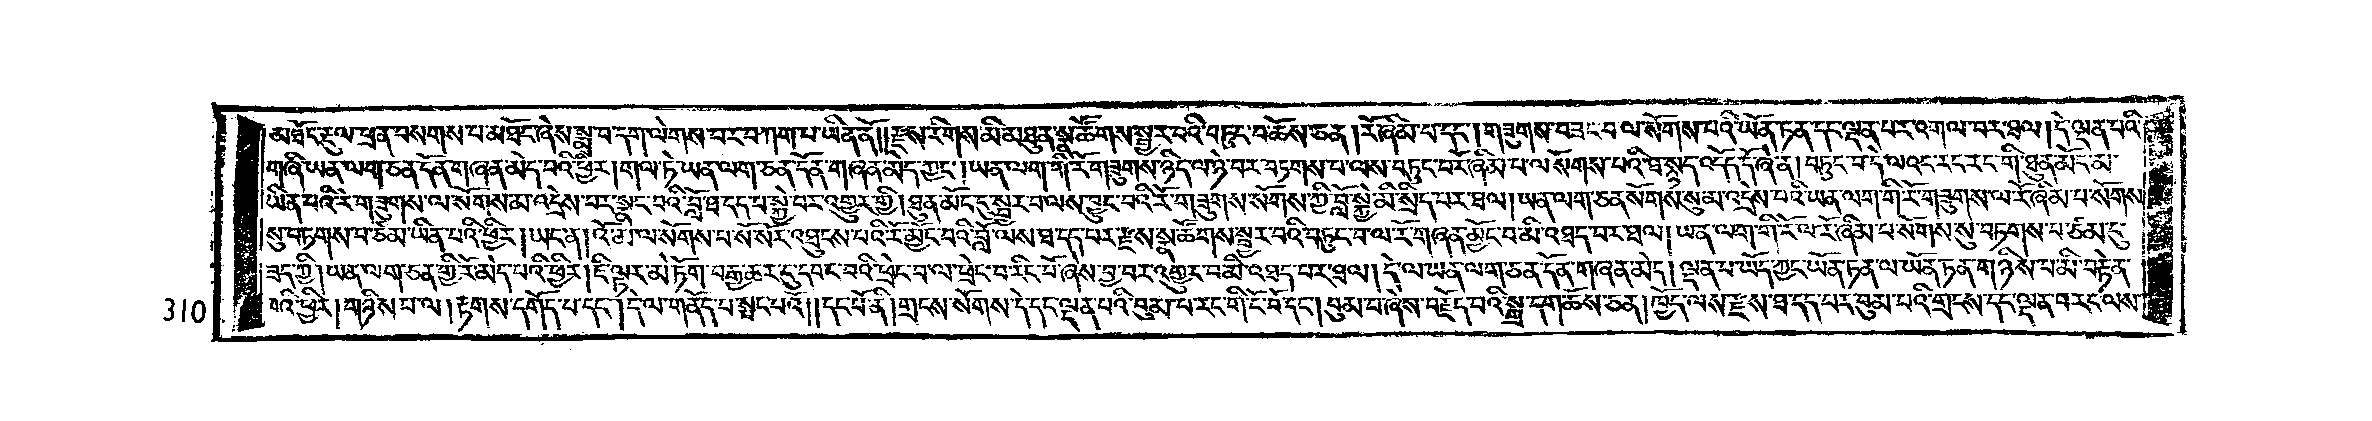མཐོང་རྡུལ་ཕྲན་བསགས་པ་མཐོང་ཞེས་སྨྲ་བ་དག་ལེགས་པར་བཀག་པ་ཡིན་ནོ། །རྫས་རིགས་མི་མཐུན་སྣ་ཚོགས་སྦྱར་བའི་བཏུང་བ་ཆོས་ཅན། རོ་ཞིམ་པ་དང་། གཟུགས་བཟང་བ་ལ་སོགས་པའི་ཡོན་ཏན་དང་ལྡན་པར་འགལ་བར་ཐལ། དེ་ལྡན་པའི་
གཞི་ཡན་ལག་ཅན་དོན་གཞན་མེད་པའི་ཕྱིར། གལ་ཏེ་ཡན་ལག་ཅན་དོན་གཞན་མེད་ཀྱང་། ཡན་ལག་གི་རོ་གཟུགས་ཉིད་ལ་ཉེ་བར་བཏགས་པ་ལས་བཏུང་བ་རོ་ཞིམ་པ་ལ་སོགས་པའི་ཐ་སྙད་འདོད་དོ་ཞེ་ན། བཏུང་བ་དེ་ལའང་རང་རང་གི་ཐུན་མོང་མ་
ཡིན་པའི་རེ་གཟུགས་ལ་སོགས་མ་འདྲེས་པར་སྣང་བའི་བློ་ཐ་དད་པ་སྐྱེ་བར་འགྱུར་གྱི། ཐུན་མོང་དུ་སྦྱར་བ་ལས་བྱུང་བའི་རོ་གཟུགས་སོགས་ཀྱི་བློ་སྐྱེ་མི་སྲིད་པར་ཐལ། ཡན་ལག་ཅན་སོགས་སུ་མ་འདྲེས་པའི་ཡན་ལག་གི་རོ་གཟུགས་ལ་རོ་ཞིམ་པ་སོགས་
སུ་བཏགས་པ་ཙམ་ཡིན་པའི་ཕྱིར། ཡང་ན། འོ་མ་ལ་སོགས་པ་སོ་སོར་འཐུངས་པའི་རོ་མྱོང་བའི་བློ་ལས་ཐ་དད་པར་རྫས་སྣ་ཚོགས་སྦྱར་བའི་བཏུང་བ་ལ་རོ་གཞན་མྱོང་བ་མི་འཐད་པར་ཐལ། ཡན་ལག་གི་རོ་ལ་རོ་ཞིམ་པ་སོགས་སུ་བཏགས་པ་ཙམ་དུ་
ཟད་ཀྱི། ཡན་ལག་ཅན་གྱི་རོ་མེད་པའི་ཕྱིར། ཇི་ལྟར་མེ་ཏོག་བརྒྱ་ཆར་དུ་དང་ར་?་བའི་ཕྲེང་བ་ལ་ཕྲེང་བ་རིང་པོ་ཞེས་བྱ་བར་འགྱུར་བ་མི་འཐད་པར་ཐལ། དེ་ལ་ཡན་ལག་ཅན་དོན་གཞན་མེད། ལྡན་པ་ཡོད་ཀྱང་ཡོན་ཏན་ལ་ཡོན་ཏན་གཉིས་པ་མི་བརྟེན་
པའི་ཕྱིར། གཉིས་པ་ལ། རྟགས་དགོད་པ་དང་། དེ་ལ་གནོད་པ་སྤང་པའོ། །དང་པོ་ནི། གྲངས་སོགས་དེ་དང་ལྡན་པའི་བུམ་པ་རང་གི་ངོ་བོ་དང་། བུམ་པ་ཞེས་བརྗོད་པའི་སྒྲ་དག་ཆོས་ཅན། ཁྱོད་ལས་རྫས་ཐ་དད་པར་བུམ་པའི་གྲངས་དང་ལྡན་པར་རང་ལས་